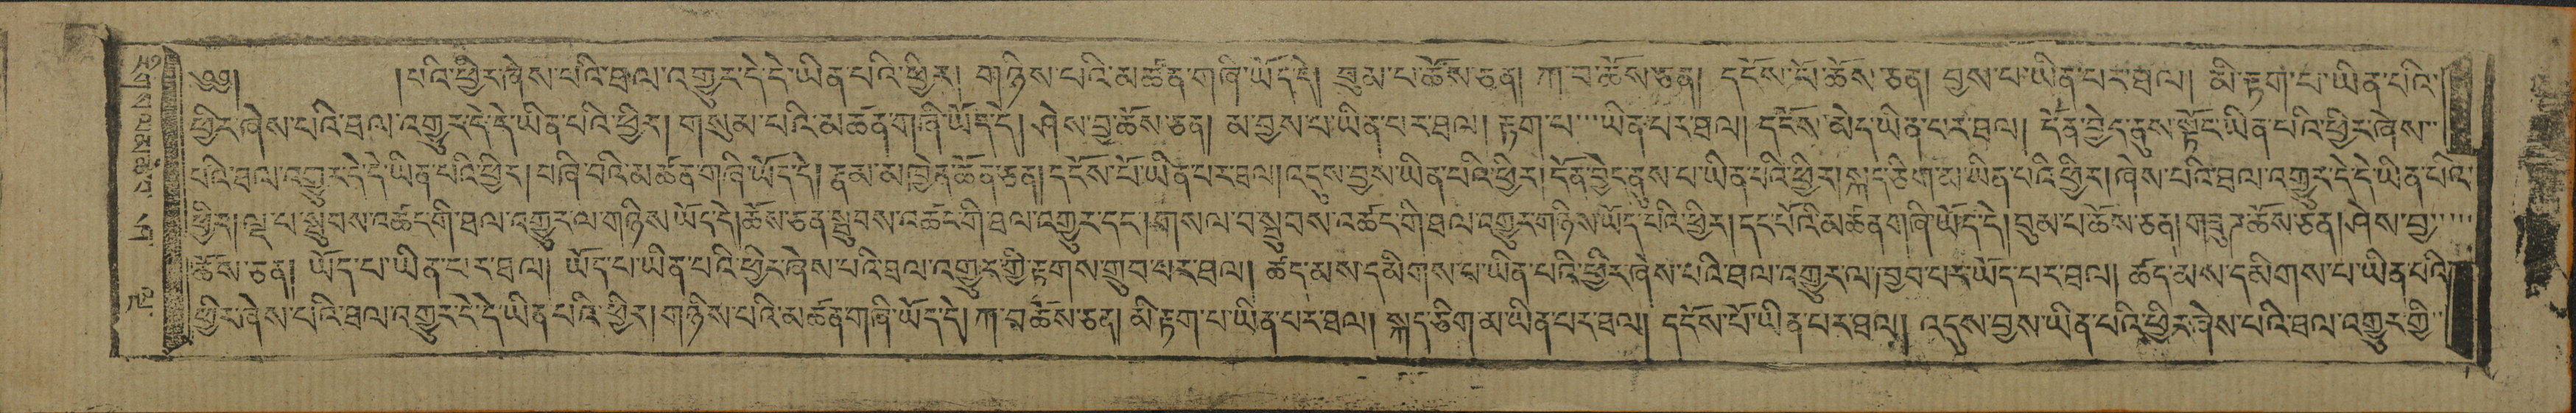༄༅། །པའི་ཕྱིར་ཞེས་པའི་ཐལ་འགྱུར་དེ་དེ་ཡིན་པའི་ཕྱིར། གཉིས་པའི་མཚན་གཞི་ཡོད་དེ། བུམ་པ་ཆོས་ཅན། ཀ་བ་ཆོས་ཅན། དངོས་པོ་ཆོས་ཅན། བྱས་པ་ཡིན་པར་ཐལ། མི་རྟག་པ་ཡིན་པའི་
ཕྱིར་ཞེས་པའི་ཐལ་འགྱུར་དེ་དེ་ཡིན་པའི་ཕྱིར། གསུམ་པའི་མཚན་གཞི་ཡོད་དེ། ཤེས་བྱ་ཆོས་ཅན། མ་བྱས་པ་ཡིན་པར་ཐལ། རྟག་པ་ཡིན་པར་ཐལ། དངོས་མེད་ཡིན་པར་ཐལ། དོན་བྱེད་ནུས་སྟོང་ཡིན་པའི་ཕྱིར་ཞེས་
པའི་ཐལ་འགྱུར་དེ་དེ་ཡིན་པའི་ཕྱིར། བཞི་བའི་མཚན་གཞི་ཡོད་དེ། རྣམ་མཁྱེན་ཆོས་ཅན། དངོས་པོ་ཡིན་པར་ཐལ། འདུས་བྱས་ཡིན་པའི་ཕྱིར། དོན་བྱེད་ནུས་པ་ཡིན་པའི་ཕྱིར། སྐད་ཅིག་མ་ཡིན་པའི་ཕྱིར། ཞེས་པའི་ཐལ་འགྱུར་དེ་དེ་ཡིན་པའི་
ཕྱིར༑ ལྔ་པ་སྦུབས་འཚང་གི་ཐལ་འགྱུར་ལ་གཉིས་ཡོད་དེ། ཆོས་ཅན་སྦུབས་འཚང་གི་ཐལ་འགྱུར་དང་། གསལ་བ་སྦུབས་འཚང་གི་ཐལ་འགྱུར་གཉིས་ཡོད་པའི་ཕྱིར། དང་པོའི་མཚན་གཞི་ཡོད་དེ། བུམ་པ་ཆོས་ཅན། གཟུགས་ཆོས་ཅན། ཤེས་བྱ་
ཆོས་ཅན། ཡོད་པ་ཡིན་པར་ཐལ། ཡོད་པ་ཡིན་པའི་ཕྱིར་ཞེས་པའི་ཐལ་འགྱུར་གྱི་རྟགས་གྲུབ་པར་ཐལ། ཚད་མས་དམིགས་པ་ཡིན་པའི་ཕྱིར་ཞེས་པའི་ཐལ་འགྱུར་ལ་ཁྱབ་པར་ཡོད་པར་ཐལ། ཚད་མས་དམིགས་པ་ཡིན་པའི་
ཕྱིར་ཞེས་པའི་ཐལ་འགྱུར་དེ་དེ་ཡིན་པའི་ཕྱིར། གཉིས་པའི་མཚན་གཞི་ཡོད་དེ། ཀ་བ་ཆོས་ཅན། མི་རྟག་པ་ཡིན་པར་ཐལ། སྐད་ཅིག་མ་ཡིན་པར་ཐལ། དངོས་པོ་ཡིན་པར་ཐལ། འདུས་བྱས་ཡིན་པའི་ཕྱིར་ཞེས་པའི་ཐལ་འགྱུར་གྱི་